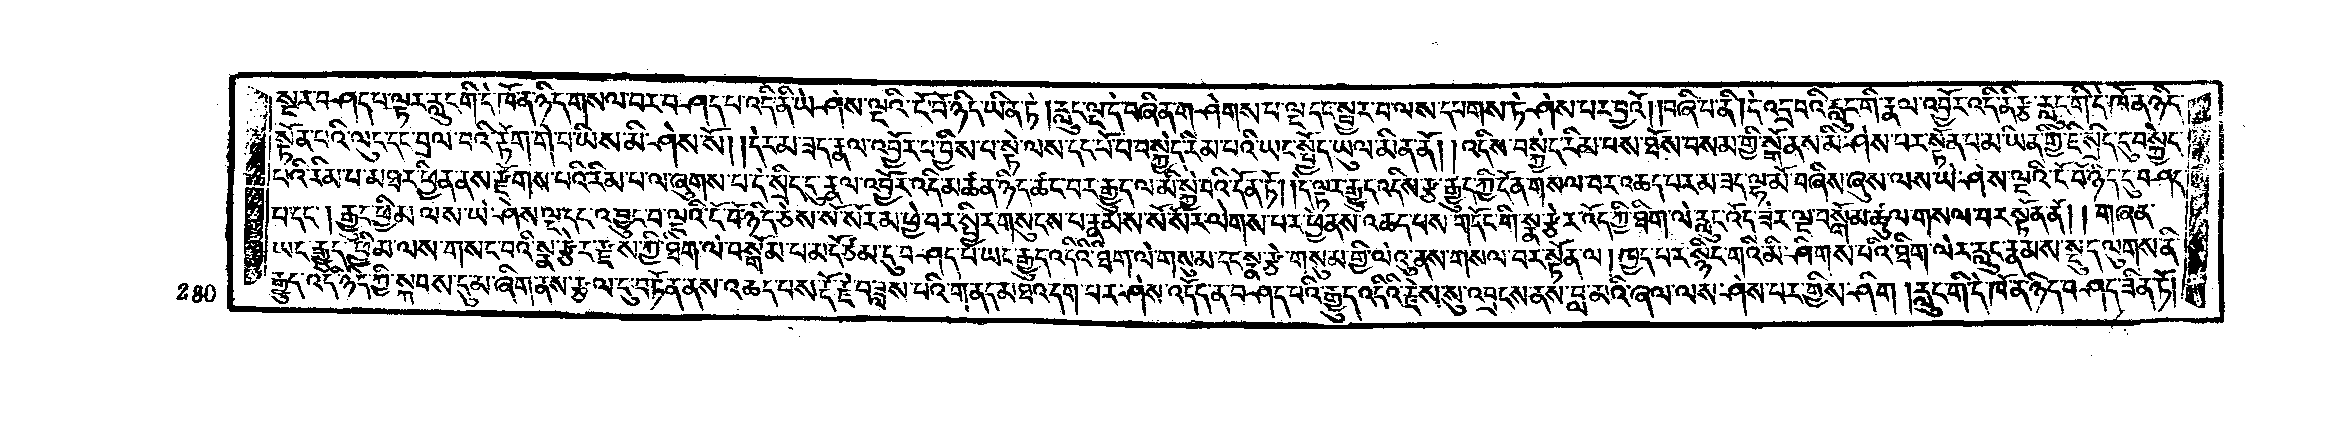སྔར་བཤད་པ་ལྟར་རླུང་གི་དེ་ཁོ་ན་ཉིད་གསལ་བར་བཤད་པ་འདི་ནི་ཡེ་ཤེས་ལྔའི་ངོ་བོ་ཉིད་ཡིན་ཏེ། རླུང་ལྔ་དེ་བཞིན་གཤེགས་པ་ལྔ་དང་སྦྱར་བ་ལས་དཔགས་ཏེ་ཤེས་པར་བྱའོ། །བཞི་པ་ནི། དེ་འདྲ་བའི་རླུང་གི་རྣལ་འབྱོར་འདི་ནི་རྩ་རླུང་གི་དེ་ཁོ་ན་ཉིད་
སྟོན་པའི་ལུང་དང་དྲལ་བའི་རྟོག་གི་པ་ཡིས་མི་ཤེས་སོ། །དེར་མ་ཟད་རྣལ་འབྱོར་པ་བྱིས་པ་སྟེ་ལས་དང་པོ་པ་བསྐྱེད་རིམ་པའི་ཡང་སྤྱོད་ཡུལ་མིན་ནོ། །འདིས་བསྐྱེད་རིམ་པས་ཐོས་བསམ་གྱི་སྒོ་ནས་མི་ཤེས་པར་སྟོན་པ་མ་ཡིན་གྱི་ཇི་སྲིད་དུ་བསྐྱེད་
པའི་རིམ་པ་མཐར་ཕྱིན་ནས་རྫོགས་པའི་རིམ་པ་ལ་ཞུགས་པ་དེ་སྲིད་དུ་རྣལ་འབྱོར་འདི་མཚན་ཉིད་ཚང་བར་རྒྱུད་ལ་མི་སྐྱེ་བའི་དོན་ཏོ། །དེ་ལྟར་རྒྱུད་འདིས་རྩ་རྒྱུད་ཀྱི་དོན་གསལ་བར་འཆད་པར་མ་ཟད་ལྷ་མོ་བཞིས་ཞུས་ལས་ཡེ་ཤེས་ལྔའི་ངོ་བོ་ཉིད་དུ་བཤད་
པ་དང་། རྒྱུད་ཕྱི་མ་ལས་ཡེ་ཤེས་ལྔ་དང་འབྱུང་བ་ལྔའི་ངོ་བོ་ཉིད་ཅེས་སོ་སོར་མ་ཕྱེ་བར་སྤྱིར་གསུངས་པ་རྣམས་སོ་སོར་ལེགས་པར་ཕྱེ་ནས་འཆད་པས་གདོང་གི་སྣ་རྩེར་འོད་ཀྱི་ཐིག་ལེ་རླུང་འོད་ཟེར་ལྔ་བསྒོམ་ཚུལ་གསལ་བར་སྟོན་ནོ། །གཞན་
ཡང་རྒྱུད་ཕྱི་མ་ལས་གསང་བའི་སྣ་རྩེར་རྫས་ཀྱི་ཐིག་ལེ་བསྒོམ་པ་མདོ་ཙམ་དུ་བཤད་པ་ཡང་རྒྱུད་འདིའི་ཐིག་ལེ་གསུམ་དང་སྣ་རྩེ་གསུམ་གྱི་ལེའུ་ནས་གསལ་བར་སྟོན་ལ། ཁྱད་པར་སྙིང་གའི་མི་ཤིགས་པའི་ཐིག་ལེར་རླུང་རྣམས་སྡུད་ལུགས་ནི་
རྒྱུད་འདི་ཉིད་ཀྱི་སྐབས་དུ་མ་ཞིག་ནས་རྩལ་དུ་བཏོན་ནས་འཆད་པས་རྡོ་རྗེ་བཟླས་པའི་གནད་མཐའ་དག་པར་ཤེས་འདོད་ན་བཤད་པའི་རྒྱུད་འདིའི་རྗེས་སུ་འབྲངས་ནས་བླ་མའི་ཞལ་ལས་ཤེས་པར་གྱིས་ཤིག །རླུང་གི་དེ་ཁོ་ན་ཉིད་བཤད་ཟིན་ཏོ་